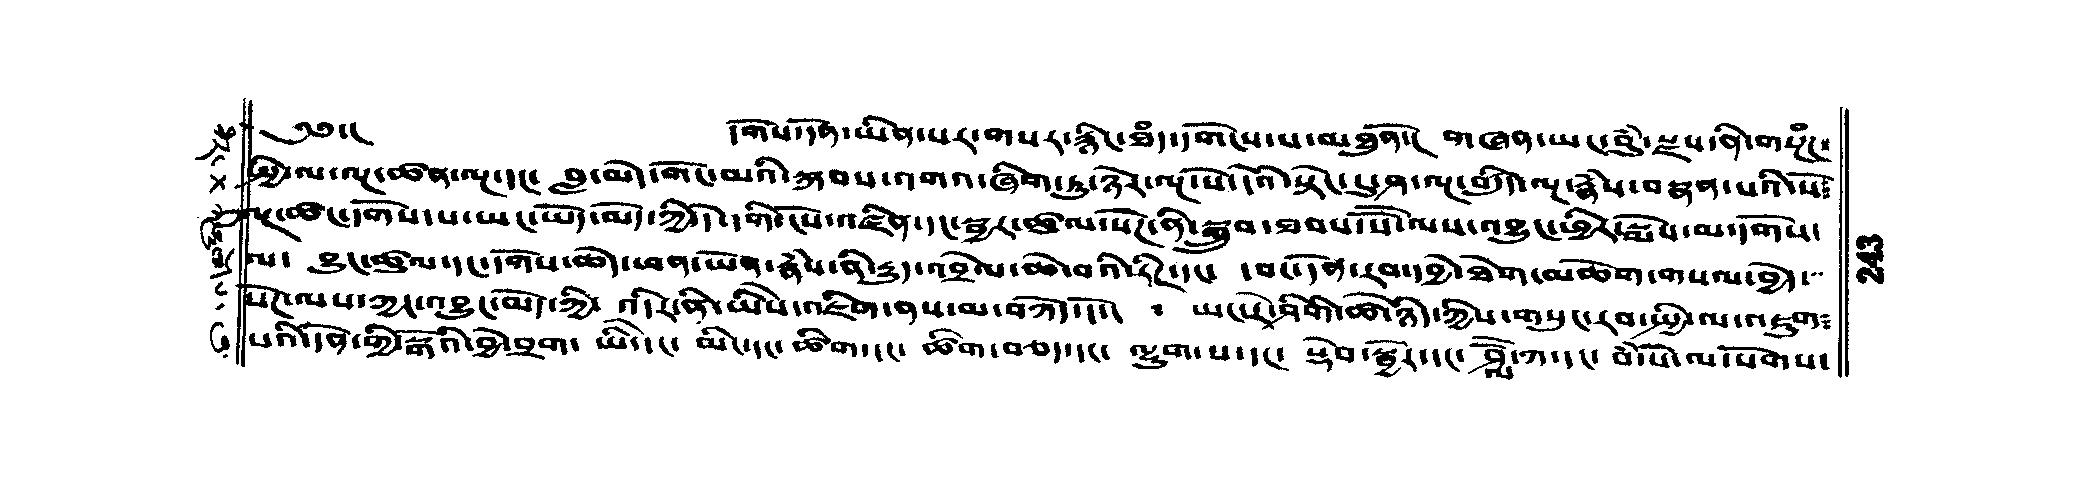དགོསཔདོནཔཡིནཔ་རཔགསརཔརྙིངཔཐམསཔཅདཔདགོངསཔ་པམཐུནཔནོ། གཞནཔཡངཔབུམཔརྫསཔནིཔགསངཔསྔགས་
སྤྱིཔལཔལྔཔཚནཔལྔཔདངཔ། བླཔམེདཔགོངཔམའིཔསྐབསཔའགའཔཞིགཔཏཔཉེརཔལྔཔ་ོཔདེའིཔསྟེངཔདུཔཤཔལྔཔབདུདཔརྩིཔལྔཔརྣམསཔབསྣནཔ་འིཔསོ་
ལྔཔཚངཔབཔཡངཔཡོདཔམོདཔཀྱིཔདེཔདགཔགིཔངོསཔའཛིནཔདངཔསྦྱརཔཚུལཔསོགསཔནིཔསྒྲུབཔཐབསཔསོཔསོཔལསཔའབྱུངཔཕྱིརཔསྨོསཔམཔདགོས་
ལ། བྱུངཔཚུལཔདངཔདགོསཔཆེདཔཕནཔཡོནཔརྣམསཔནིཔརྒྱུདཔའབྲེལཔཆེཔབའིཔརིགསཔདངཔ། དབངཔདོནཔརབཔདབྱེཔཐེགཔམཆོགཔགསལཔབྱེད་
སོགསཔལསཔཀྱངཔའབྱུངཔམོདཔཀྱི། འདིརཔནིཔཡིཔགེསཔའཇིགསཔནསཔམཔབཀོདཔདོ། ཡངཔརེཔཤིགཔགིཔཚེཔཉིདཔཀྱིསཔགསུངཔརབཔསྤྱིཔལཔའཇུག་
པ་འིཔདོནཔགྱིཔསྒོའིཔབྱེཔབྲག ཡིཔགེཔདངཔ། མིངཔདངཔ། ཚིགཔདངཔ། ཚིགཔབཅདཔདངཔ། ལྷུགཔ་པདངཔ། སྡེབཔསྦྱོར། ཤླཽཔཀཔདངཔ། བམཔ་ོཔལཔསོགསཔ